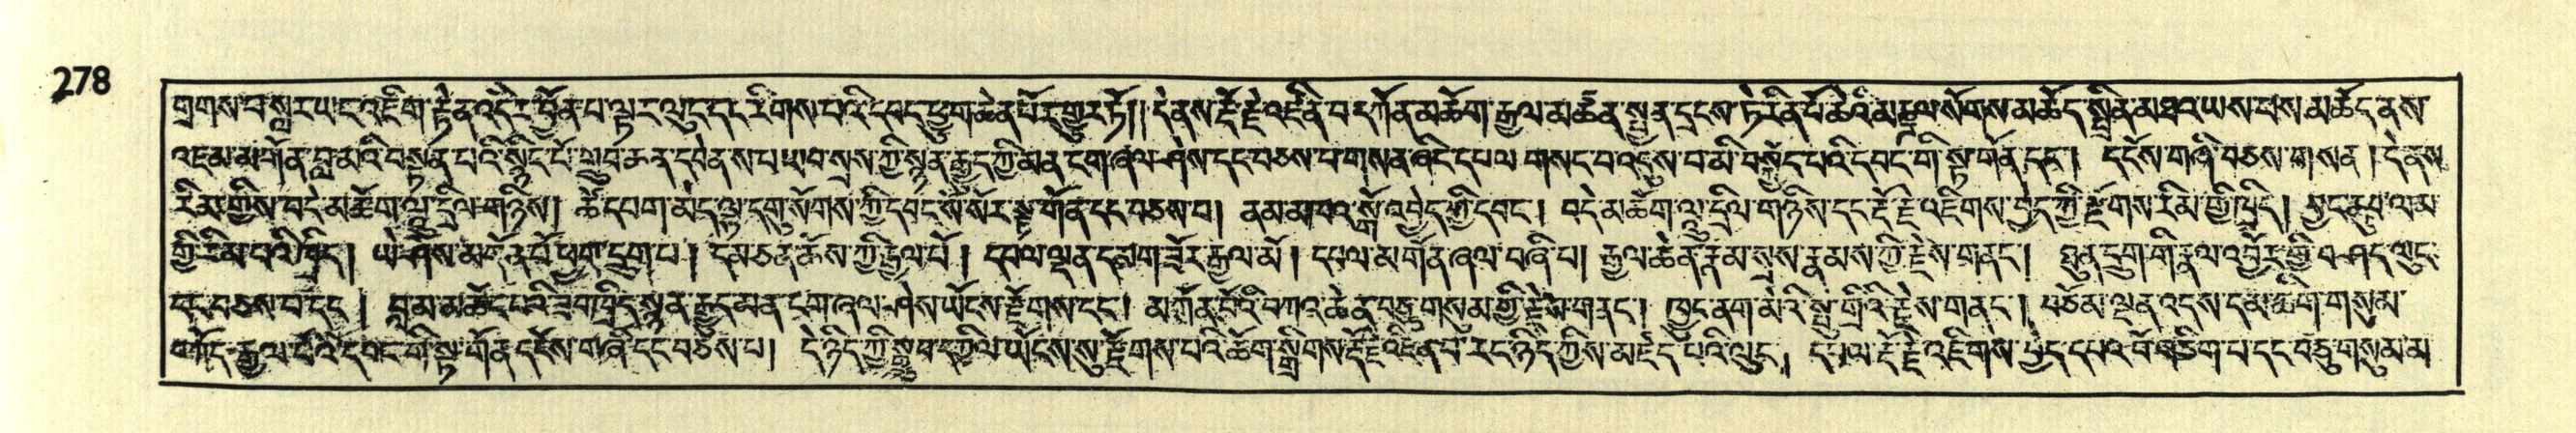གྲགས་བ་སླར་ཡང་འཇིག་རྟེན་འདིར་བྱོན་པ་ལྟར་ལུང་དང་རིགས་པའི་དབང་ཕྱུག་ཆེན་པོར་གྱུར་ཏོ། །དེ་ནས་རྡོ་རྗེ་འཛིན་བ་དཀོན་མཆོག་རྒྱལ་མཚན་སྤྱན་དྲངས་ཏེ་རིན་པོ་ཆེའི་མཎྜལ་སོགས་མཆོད་སྤྲིན་མཐའ་ཡས་ཕས་མཆོད་ནས་
འཇམ་མགོན་བླ་མའི་བསྟན་པའི་སྙིང་པོ་གྲུབ་ཅན་དབེན་ས་པ་ཡབ་སྲས་ཀྱི་སྙན་རྒྱུད་ཀྱི་མན་ངག་ཞལ་ཤེས་དང་བཅས་པ་གསན་ཞིང་དཔལ་གསང་བ་འདུས་བ་མི་བསྐྱོད་པའི་དབང་གི་སྟ་གོན་དང་། དངོས་གཞི་བཅས་གསན་།དེ་ནས་
རིམ་གྱིས་བདེ་མཆོག་ལཱུ་དྲིལ་གཉིས། ཚེ་དཔག་མེད་ལྷ་དགུ་སོགས་ཀྱི་དབང་སོ་སོར་སྟ་གོན་དང་བཅས་པ། ནམ་མཁའ་སྒོ་འབྱེད་ཀྱི་དབང་། བདེ་མཆོག་ལཱུ་དྲིལ་གཉིས་དང་རྡོ་རྗེ་འཇིགས་བྱེད་ཀྱི་རྫོགས་རིམ་གྱི་ཁྲིད། བྱང་ཆུབ་ལམ་
གྱི་རིམ་པའི་ཁྲིད། ཡེ་ཤེས་མགོན་པོ་ཕྱག་དྲུག་པ། དམ་ཅན་ཆོས་ཀྱི་རྒྱལ་པོ། དཔལ་ལྡན་དམག་ཟོར་རྒྱལ་མོ། དཔལ་མགོན་ཞལ་བཞི་པ། རྒྱལ་ཆེན་རྣམ་སྲས་རྣམས་ཀྱི་རྗེས་གནང་། ཐུན་དྲུག་གི་རྣལ་འབྱོར་གྱི་བཤད་ལུང་
དང་བཅས་བ་དང་། བླ་མ་མཆོད་པའི་ཟབ་ཁྲིད་སྙན་རྒྱུད་མན་ངག་ཞལ་ཤེས་ཡོངས་རྫོགས་དང་། མགོན་བོའི་བཀའ་ཆེན་བཅུ་གསུམ་གྱི་རྗེས་གནང་། ཁྱུང་ནག་མེའི་སྤུ་གྲིའི་རྗེས་གནང་། བཅོམ་ལྡན་འདས་དམ་ཚིག་གསུམ་
བཀོད་རྒྱལ་པོའི་དབང་གི་སྟ་གོན་དངོས་གཞི་དང་བཅས་པ། དེ་ཉིད་ཀྱི་སྒྲུབ་དཀྱིལ་ཡོངས་སུ་རྫོགས་པའི་ཆོག་སྒྲིགས་རྡོ་རྗེ་འཛིན་བ་རང་ཉིད་ཀྱིས་མཛད་པའི་ལུང་། དཔལ་རྡོ་རྗེ་འཇིགས་བྱེད་དཔའ་བོ་གཅིག་པ་དང་བཅུ་གསུམ་མ་